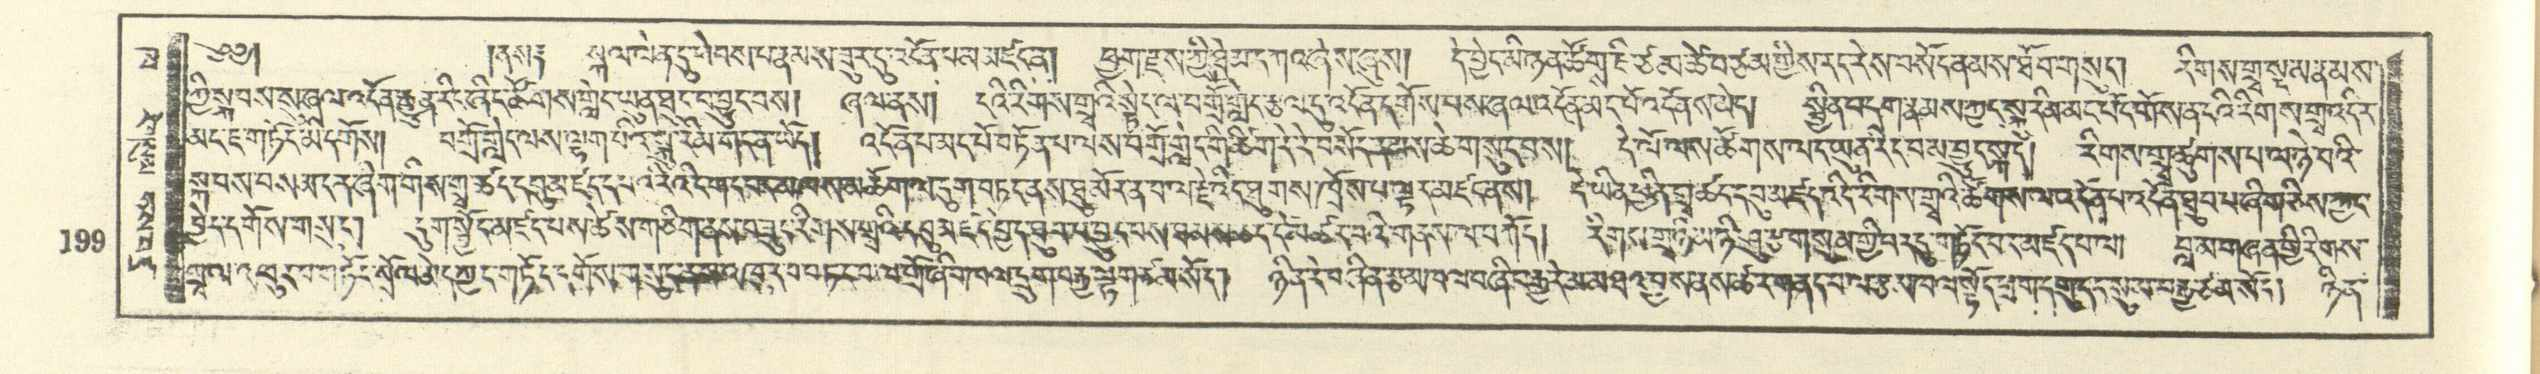༄༅། །ནས༑ སྐལ་ལེན་དུ་ཕེབས་པ་རྣམས་ཟུར་དུ་འདོན་པ་མ་མཛད་ན། ཕྱག་རྫས་ཀྱིས་ཐེམ་དཀའ་ཞེས་ཞུས། དེ་བྱེད་མི་ཉན་ཚོགས་ཇི་ཙམ་ཆེ་བཙམ་གྱིས་རང་རེས་བསོད་ནམས་ཐོབ་གསུང་། རིགས་གྲྭ་སྔ་མ་རྣམས་
ཀྱི་སྐབས་སུ་ཞལ་འདོན་རྒྱུན་རིང་ཞིང་ཚོགས་གླེང་ཡུན་ཐུང་བ་བྱུང་བས། ཞལ་ནས། ངའི་རིགས་གྲྭའི་སྟེང་ལ་བགྲོ་གླེང་རྩལ་དུ་འདོན་དགོས་པས་ཞལ་འདོན་མང་པོ་འདོན་ས་མེད། སྦྱིན་བདག་རྣམས་ཀྱང་སྐུ་རིམ་མང་པོ་དགོས་ན་ངའི་རིགས་གྲྭ་འདིར་
མང་ཇ་གཏོང་མི་དགོས། བགྲོ་གླེང་ལས་ལྷག་པའི་སྐུ་རིམ་གདན་ཡོད། འདོན་པ་མང་པོ་བཏོན་པ་ལས་བགྲོ་གླེང་གི་ཚིག་རེ་རེ་བསོད་ནམས་ཆེ་གསུང་བས། དེ་ལོ་ལས་ཚོགས་ལང་ཡུན་རིང་བ་མ་བྱུང་སྐད། རིགས་གྲྭ་ཚུགས་པ་ལ་ཉེ་བའི་
སྐབས་བསམ་ངན་ཞིག་གིས་གྲྭ་ཚང་དབུ་མཛད་དཔའི་རའི་ངག་དབང་མཁས་མཆོག་ལ་དུག་བཏང་ནས་ཐུ་མོར་ན་བ་ལ་རྗེ་འདི་ཐུགས་ཁྲོས་པ་ལྟར་མཛད་ནས། དེ་ཡིན་ཕྱིན་གྲྭ་ཚང་དབུ་མཛད་འདི་རིགས་གྲྭའི་ཚོགས་ལ་འདོན་པ་འདོན་ཐུབ་པ་ཞིག་ཅིས་ཀྱང་
བྱེད་དགོས་གསུང་། དུག་སྦྱོང་མཛད་པས་ཚེས་གཅིག་ནས་བཟུང་རིགས་གྲྭའི་དབུ་མཛད་བྱེད་ཐུབ་པ་བྱུང་བས་ཐམས་ཅད་ངོ་མཚར་བའི་གནས་ལ་བཀོད། རིགས་གྲྭ་ཉི་མ་ཉི་ཤུ་རྩ་གསུམ་གྱི་པར་དུ་གཏོང་བར་མཛད་པ་ལ། བླ་མ་གཞན་གྱི་རིགས་
གྲྭ་ལ་འཁུར་བ་གཏོང་སྲོལ་མེད་ཀྱང་གཏོང་དགོས་གསུང་ནས་འཁུར་བ་བཏང་བ་ལ་གྲོ་ཞིབ་ཁལ་དྲུག་བརྒྱ་ལྷག་ཙམ་སོང་། ཉིན་རེ་བཞིན་རྩམ་ཁལ་བཞི་བརྒྱ་དེ་མ་མཐའ་བྱས་ནས་ཚར་གནད་པ་ལ་རྩམ་ཁལ་སྟོད་ཕྲག་དགུ་དང་སུམ་བརྒྱ་ཙམ་སོང་། ཉིན་